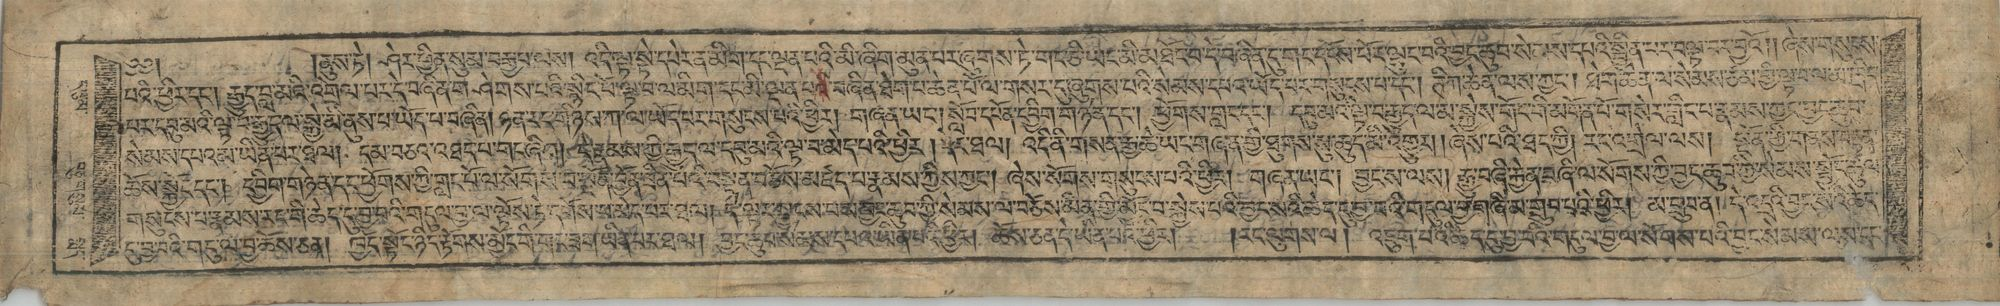༄༅། །ནུས་ཏེ། ཤེར་ཕྱིན་སུམ་བརྒྱ་བ་ལས། འདི་ལྟ་སྟེ་དཔེར་ན་མིག་དང་ལྡན་པའི་མི་ཞིག་མུན་པར་ཞུགས་ཏེ་གང་ཅི་ཡང་མི་མཐོང་བ་དེ་བཞིན་དུ་གང་དངོས་པོར་ལྷུང་བའི་བྱང་ཆུབ་སེམས་དཔའི་སྦྱིན་པར་བལྟ་བར་བྱའོ། །ཞེས་གསུངས་
པའི་ཕྱིར་དང་། རྒྱུད་བླ་མའི་འགྲེལ་པར་དེ་བཞིན་གཤེགས་པའི་སྙིང་པོ་ལྟ་བ་ལ་མིག་དང་མི་ལྡན་པ་བཞིན་ཐེག་པ་ཆེན་པོ་ལ་གསར་དུ་ཞུགས་པའི་སེམས་དཔའ་ཡོད་པར་གསུངས་པ་དང་། ཊིཀ་ཆེན་ལས་ཀྱང་། ཐེག་ཆེན་ལ་སེམས་ཙམ་གྱི་ལྟ་བ་ལ་མ་ཁྲིད
པར་དབུ་མའི་ལྟ་བ་རྒྱུད་ལ་སྐྱེ་མི་ནུས་པ་ཡོད་པ་བཞིན། ཉན་རང་གཉིས་ཀ་ལ་ཡོད་པར་གསུངས་པའི་ཕྱིར། གཞན་ཡང་། སློབ་དཔོན་དབྱིགྒྙེན་དང་། ཕྱོགས་གླང་དང་། དབུ་མའི་ལྟ་བ་རྒྱུད་ལ་མ་སྐྱེས་གོང་གི་མགོན་པོ་གསེར་གླིང་པ་རྣམས་ཀྱང་བྱང་ཆུབ་
སེམས་དཔའ་མ་ཡིན་པར་ཐལ། དམ་བཅའ་འཐད་པ་གང་ཞིག །དེ་རྣམས་ཀྱི་རྒྱུད་ལ་དབུ་མའི་ལྟ་བ་མེད་པའི་ཕྱིར། དེར་ཐལ། འདི་ནི་གསན་རྒྱ་ཆེ་ཡང་གཞན་གྱི་ཐུགས་སུ་ཆུད་མི་འགྱུར། །ཞེས་པའི་ཐད་ཀྱི། རང་འགྲེལ་ལས། སྔོན་གྱི་གནས་བརྟན་
ཆོས་སྐྱོང་དང་། དབྱིགྒྙེན་དང་ཕྱོགས་ཀྱི་གླང་པོ་ལ་སོགས་པ་སྔོན་བྱོན་ཟིན་པའི་བསྟན་བཅོས་མཛད་པ་རྣམས་ཀྱིས་ཀྱང་། ཞེས་སོགས་གསུངས་པའི་ཕྱིར། གཞན་ཡང་། བྱང་ས་ལས། རྒྱུ་བཞི་རྐྱེན་བཞི་ལ་སོགས་ཀྱི་བྱང་ཆུབ་ཀྱི་སེམས་སྦྱོང་ཚུལ་
གསུངས་པ་རྣམས་རང་གི་ཆེད་དུ་བྱ་བའི་གདུལ་བྱ་ལ་ལྟོས་ཏེ་དགོས་པ་མེད་པར་ཐལ། དེ་ལྟར་སྦྱངས་པས་བྱང་ཆུབ་ཀྱི་སེམས་ལ་བཅོས་མིན་གྱི་མྱོང་བ་སྐྱེས་པའི་བྱང་སའི་ཆེད་དུ་བྱ་བའི་གདུལ་བྱ་གཞི་མ་གྲུབ་པའི་ཕྱིར། མ་གྲུབ་ན། དེ་འདྲའི་བྱང་སའི་ཆེད་
དུ་བྱ་བའི་གདུལ་བྱ་ཆོས་ཅན། ཁྱོད་སྟོང་ཉིད་རྟོགས་མྱོང་གི་གང་ཟག་ཡིན་པར་ཐལ། བྱང་ཆུབ་སེམས་དཔའ་ཡིན་པའི་ཕྱིར། ཆོས་ཅན་དེ་ཡིན་པའི་ཕྱིར། ༈ །རང་ལུགས་ལ། འཇུག་པའི་ཆེད་དུ་བྱ་བའི་གདུལ་བྱ་ལ་སོགས་པའི་བྱང་སེམས་ལས་དང་